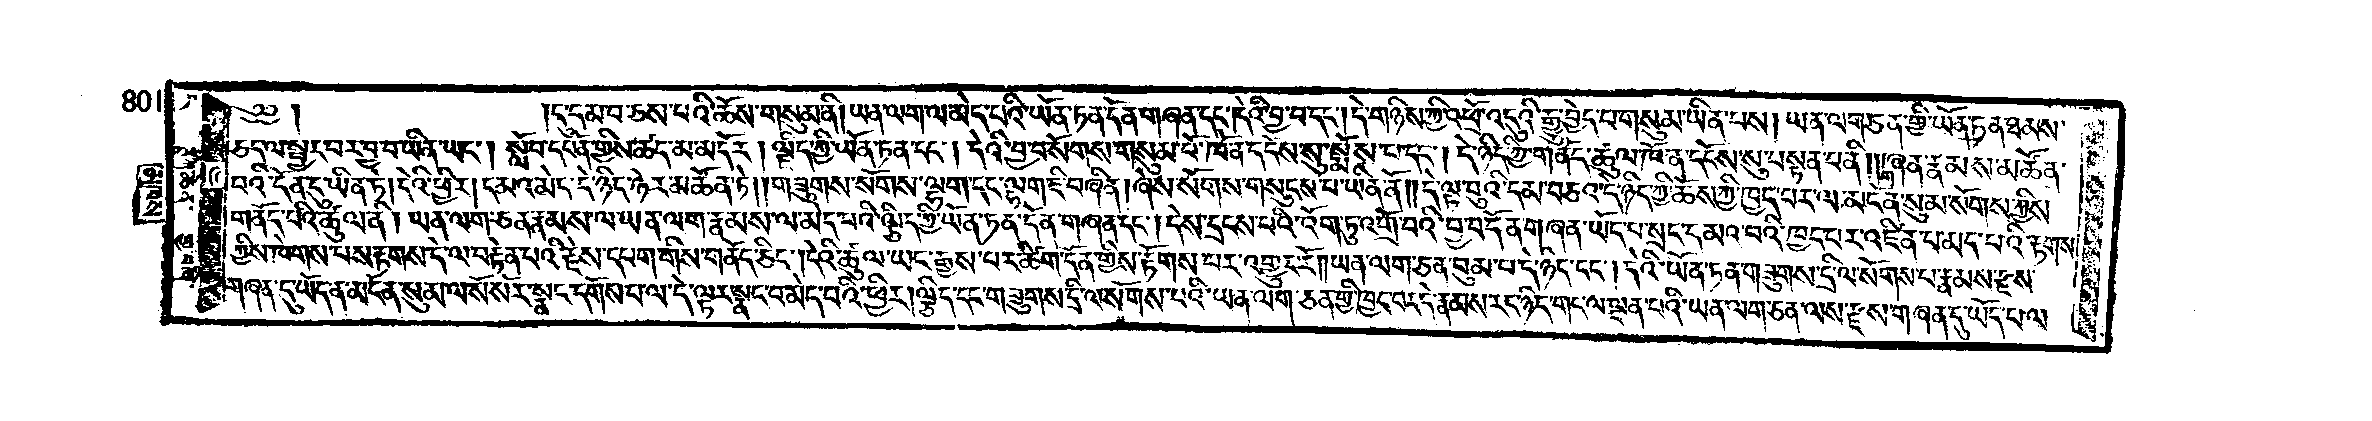༄༅། །དུ་དམ་བཅའ་པའི་ཆོས་གསུམ་ནི། ཡན་ལག་ལ་མེད་པའི་ཡོན་ཏན་དོན་གཞན་དང་། དེའི་བྱ་བ་དང་། དེ་གཉིས་ཀྱི་འཕྲོ་འདུའི་རྒྱུ་བྱེད་པ་གསུམ་ཡིན་པས། ཡན་ལག་ཅན་གྱི་ཡོན་ཏན་ཐམས་
ཅད་ལ་སྦྱར་བར་བྱ་བ་ཡིན་ཡང་། སློབ་དཔོན་གྱིས་ཚད་མ་མདོར། ལྗིད་ཀྱི་ཡོན་ཏན་དང་། དེའི་བྱ་བ་སོགས་གསུམ་པོ་ཁོ་ན་དངོས་སུ་སྨོས་པ་དང་། དེ་ཉིད་ཀྱི་གནོད་ཚུལ་ཁོ་ན་དངོས་སུ་བསྟན་པ་ནི། གཞན་རྣམས་མཚོན་
པའི་དོན་དུ་ཡིན་ཏེ། དེའི་ཕྱིར། དམའ་མེད་དེ་ཉིད་ཉེར་མཚོན་ཏེ། །གཟུགས་སོགས་ལྷག་དང་ལྷག་ཇི་བཞིན། ཞེས་སོགས་གསུངས་པ་ཡིན་ནོ། །དེ་ལྟ་བུའི་དམ་བཅའ་དེ་ཉིད་ཀྱི་ཆོས་ཀྱི་ཁྱད་པར་ལ་མངོན་སུམ་སོགས་ཀྱིས་
གནོད་པའི་ཚུལ་ནི། ཡན་ལག་ཅན་རྣམས་ལ་ཡན་ལག་རྣམས་ལ་མེད་པའི་ལྕིད་ཀྱི་ཡོན་ཏན་དོན་གཞན་དང་། དེས་དྲངས་པའི་འོག་ཏུ་འགྲོ་བའི་བྱ་བ་དོན་གཞན་ཡོད་པ་སྲང་དམའ་བའི་ཁྱད་པར་འཛིན་པ་མེད་པའི་རྟགས་
ཀྱིས་ཁེགས་པས་རྟགས་དེ་ལ་བརྟེན་པའི་རྗེས་དཔག་གིས་གནོད་ཅིང་། དེའི་ཚུལ་ཡང་རྒྱས་པར་ཚིག་དོན་གྱིས་རྟོགས་པར་འགྱུར་རོ། །ཡན་ལག་ཅན་བུམ་པ་དེ་ཉིད་དང་། དེའི་ཡོན་ཏན་གཟུགས་དྲི་ལ་སོགས་པ་རྣམས་རྫས་
གཞན་དུ་ཡོད་ན་མངོན་སུམ་ལ་སོ་སོར་སྣང་དགོས་པ་ལ་དེ་ལྟར་སྣང་བ་མེད་པའི་ཕྱིར། ལྕིད་དང་གཟུགས་དྲི་ལ་སོགས་པའི་ཡན་ལག་ཅན་གྱི་ཁྱད་པར་དེ་རྣམས་རང་ཉིད་གང་ལ་ལྡན་པའི་ཡན་ལག་ཅན་ལས་རྫས་གཞན་དུ་ཡོད་པ་ལ་